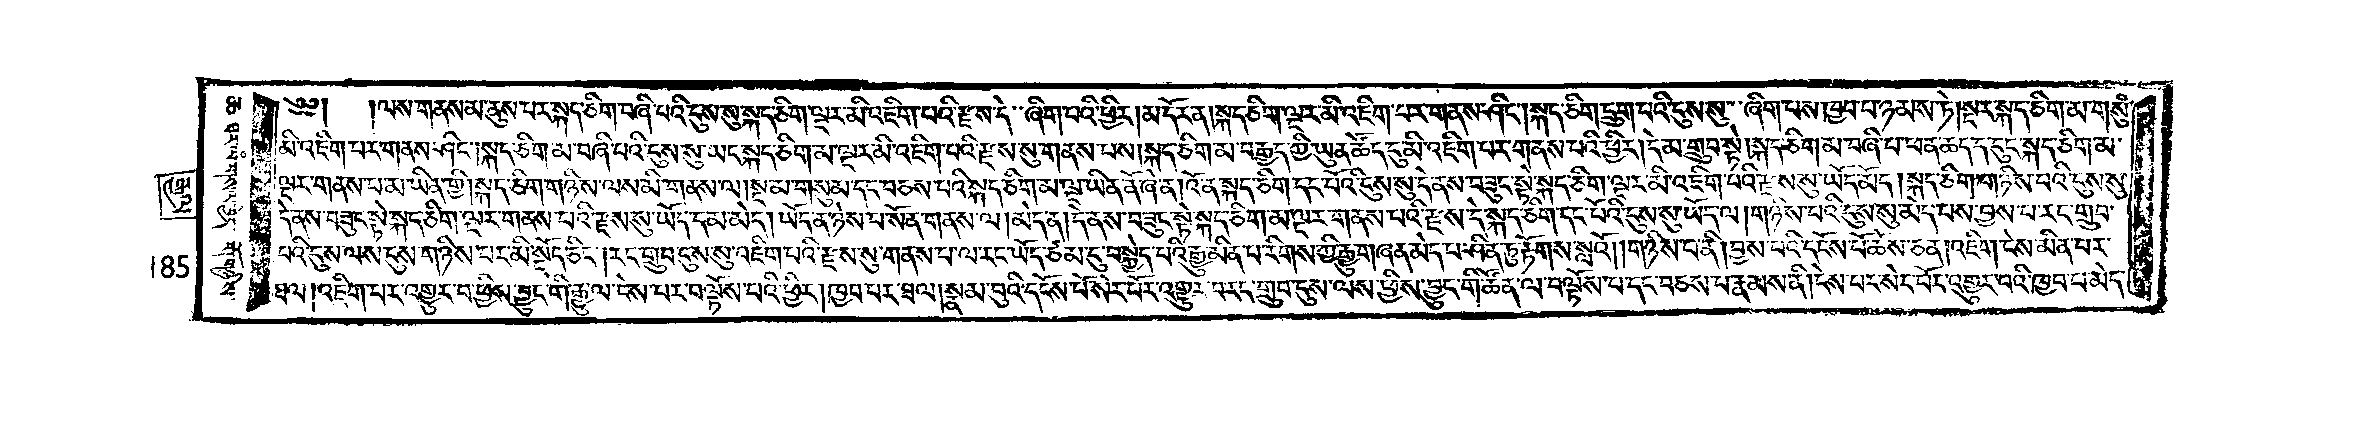༄༅། །ལས་གནས་མ་ནུས་པར་སྐད་ཅིག་བཞི་པའི་དུས་སུ་སྐད་ཅིག་ལྔར་མི་འཇིག་པའི་རྫས་དེ་ཞིག་པའི་ཕྱིར། མ་དོར་ན། སྐད་ཅིག་ལྔར་མི་འཇིག་པར་གནས་ཤིང་། སྐད་ཅིག་དྲུག་པའི་དུས་སུ་ཞིག་པས་ཁྱབ་པ་ཉམས་ཏེ། སྔར་སྐད་ཅིག་མ་གསུམ་
མི་འཇིག་པར་གནས་ཤིང་། སྐད་ཅིག་མ་བཞི་པའི་དུས་སུ་ཡང་སྐད་ཅིག་མ་ལྔར་མི་འཇིག་པའི་རྫས་སུ་གནས་པས། སྐད་ཅིག་མ་བརྒྱད་ཀྱི་ཡུན་ཚོད་དུ་མི་འཇིག་པར་གནས་པའི་ཕྱིར། དེ་མ་གྲུབ་སྟེ། སྐད་ཅིག་མ་བཞི་པ་ཕན་ཆད་ད་དུང་སྐད་ཅིག་མ་
ལྔར་གནས་པ་མ་ཡིན་གྱི། སྐད་ཅིག་གཉིས་ལས་མི་གནས་ལ། སྔ་མ་གསུམ་དང་བཅས་པའི་སྐད་ཅིག་མ་ལྔ་ཡིན་ནོ་ཞེ་ན། འོ་ན་སྐད་ཅིག་དང་པོའི་དུས་སུ་དེ་ནས་བཟུང་སྟེ་སྐད་ཅིག་ལྔར་མི་འཇིག་པའི་རྫས་སུ་ཡོད་མོད། སྐད་ཅིག་གཉིས་པའི་དུས་སུ་
དེ་ནས་བཟུང་སྟེ་སྐད་ཅིག་ལྔར་གནས་པའི་རྫས་སུ་ཡོད་དམ་མེད། ཡོད་ན་ཉེས་པ་སོན་གནས་ལ། མེད་ན། དེ་ནས་བཟུང་སྟེ་སྐད་ཅིག་མ་ལྔར་གནས་པའི་རྫས་དེ་སྐད་ཅིག་དང་པོའི་དུས་སུ་ཡོད་ལ། གཉིས་པའི་དུས་སུ་མེད་པས་བྱས་པ་རང་གྲུབ་
པའི་དུས་ལས་དུས་གཉིས་པར་མི་སྡོད་ཅིང་།རང་གྲུབ་དུས་སུ་འཇིག་པའི་རྫས་སུ་གནས་པ་ལ་རང་ཡོད་ཙམ་དུ་བསྐྱེད་པའི་རྒྱུ་མིན་པ་རིགས་ཀྱི་རྒྱུ་གཞན་མེད་པ་ཤིན་ཏུ་རྟོགས་སླའོ། །གཉིས་པ་ནི། བྱས་པའི་དངོས་པོ་ཆོས་ཅན། འཇིག་ངེས་མིན་པར་
ཐལ། འཇིག་པར་འགྱུར་བ་ཕྱིས་བྱུང་གི་རྒྱུ་ལ་ངེས་པར་བལྟོས་པའི་ཕྱིར། ཁྱབ་པར་ཐལ། སྣམ་བུའི་དངོས་པོ་སེར་པོར་འགྱུར་པ་རང་གྲུབ་དུས་ལས་ཕྱིས་བྱུང་གི་ཚོན་ལ་བལྟོས་པ་དང་བཅས་པ་རྣམས་ནི། ངེས་པར་སེར་པོར་འགྱུར་བའི་ཁྱབ་པ་མེད་